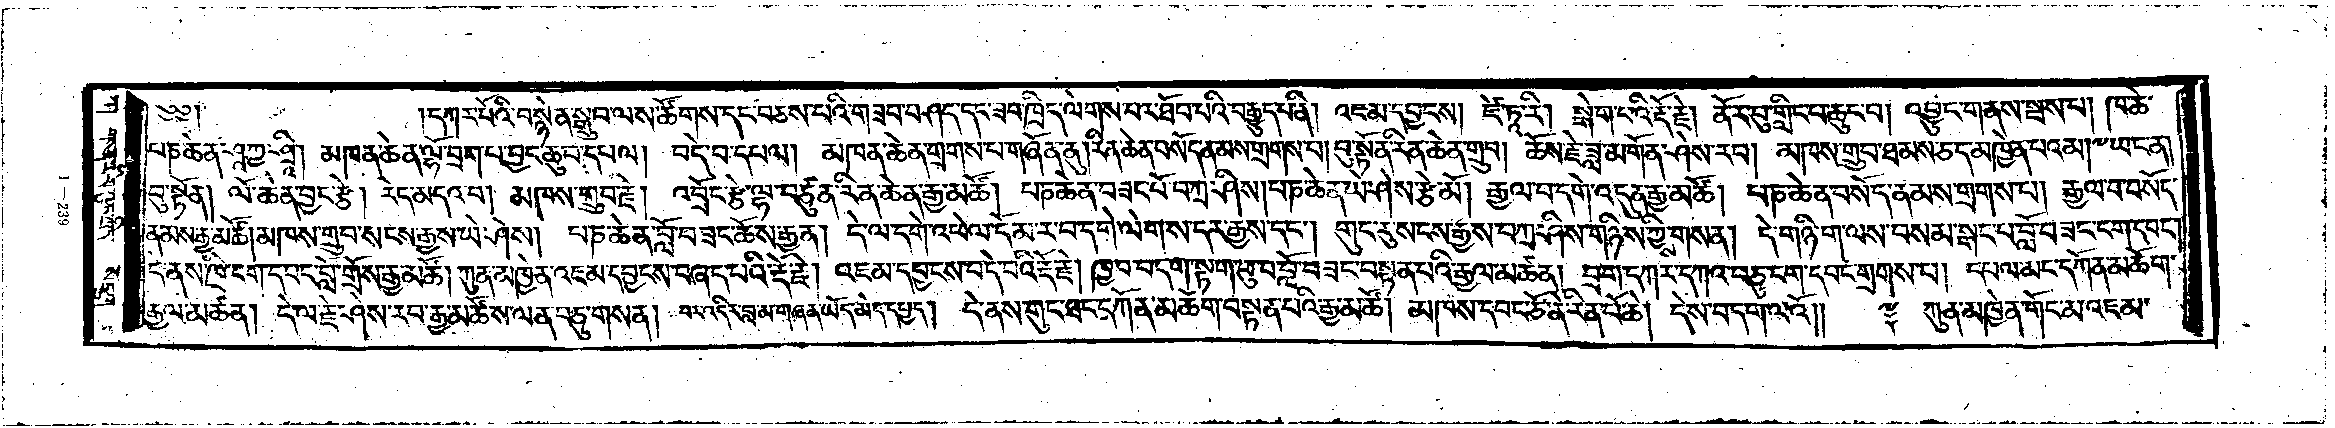༄༅། །དཀར་པོའི་བསྙེན་སྒྲུབ་ལས་ཚོགས་དང་བཅས་པའི་གཟབ་བཤད་དང་ཟབ་ཁྲིད་ལེགས་པར་ཐོབ་པའི་བརྒྱུད་པ་ནི། འཇམ་དབྱངས། ཛེ་ཏཱ་རི། སྒེག་པའི་རྡོ་རྗེ། ནོར་བུ་གླིང་བ་ཆུང་བ། འབྱུང་གནས་སྦས་པ། ཁ་ཆེ་
པཎ་ཆེན་ཤཱཀྱ་ཤྲཱི། མཁན་ཆེན་ལྷོ་བྲག་པ་བྱང་ཆུབ་དཔལ། བདེ་བ་དཔལ། མཁན་ཆེན་གྲགས་པ་གཞོན་ནུ་།རིན་ཆེན་བསོད་ནམས་གྲགས་པ། བུ་སྟོན་རིན་ཆེན་གྲུབ། ཆོས་རྗེ་ཟླ་མགོན་ཤེས་རབ། མཁས་གྲུབ་ཐམས་ཅད་མཁྱེན་པའམ། འྱང་ན།
བུ་སྟོན། ལོ་ཆེན་བྱང་རྩེ། རེད་མདའ་བ། མཁས་གྲུབ་རྗེ། འབྲོང་རྩེ་ལྷ་བཙུན་རིན་ཆེན་རྒྱ་མཚོ། པཎ་ཆེན་བཟང་པོ་བཀྲ་ཤིས་།པཎ་ཆེན་ཡེ་ཤེས་རྩེ་མོ། རྒྱལ་བ་དགེ་འདུན་རྒྱ་མཚོ། པཎ་ཆེན་བསོད་ནམས་གྲགས་པ། རྒྱལ་བ་བསོད་
ནམས་རྒྱ་མཚོ། མཁས་གྲུབ་སངས་རྒྱས་ཡེ་ཤེས། པཎ་ཆེན་བློ་བཟང་ཆོས་རྒྱན། དེ་ལ་དགེ་འཕེལ་དོམ་ར་བ་དགེ་ལེགས་དར་རྒྱས་དང་། གུང་རུ་སངས་རྒྱས་བཀྲ་ཤིས་གཉིས་ཀྱིས་གསན། དེ་གཉིས་ལས་བསམ་སྒང་པ་བློ་བཟང་ངག་དབང་
དེ་ནས་ཁྲི་ངག་དབང་བློ་གྲོས་རྒྱ་མཚོ། ཀུན་མཁྱེན་འཇམ་དབྱངས་བཞད་པའི་རྡོ་རྗེ། འཇམ་དབྱངས་བདེ་བའི་རྡོ་རྗེ། ཁྱབ་བདག་སྟག་ཕུ་བ་བློ་བཟང་བསྟན་པའི་རྒྱལ་མཚན། བྲག་དཀར་དཀའ་བཅུ་ངག་དབང་གྲགས་པ། དཔལ་མང་དཀོན་མཆོག་
རྒྱལ་མཚན། དེ་ལ་རྗེ་ཤེས་རབ་རྒྱ་མཚོས་ལན་བཅུ་གསན། བར་འདིར་བླ་མ་གཞན་ཡོད་མེད་དཔྱད།  དེ་ནས་གུང་ཐང་དཀོན་མཆོག་བསྟན་པའི་རྒྱ་མཚོ། མཁས་དབང་ཙོ་ནེ་རིན་པོ་ཆེ། དེས་བདག་ལའོ།། འ་ཀུན་མཁྱེན་གོང་མ་འཇམ་